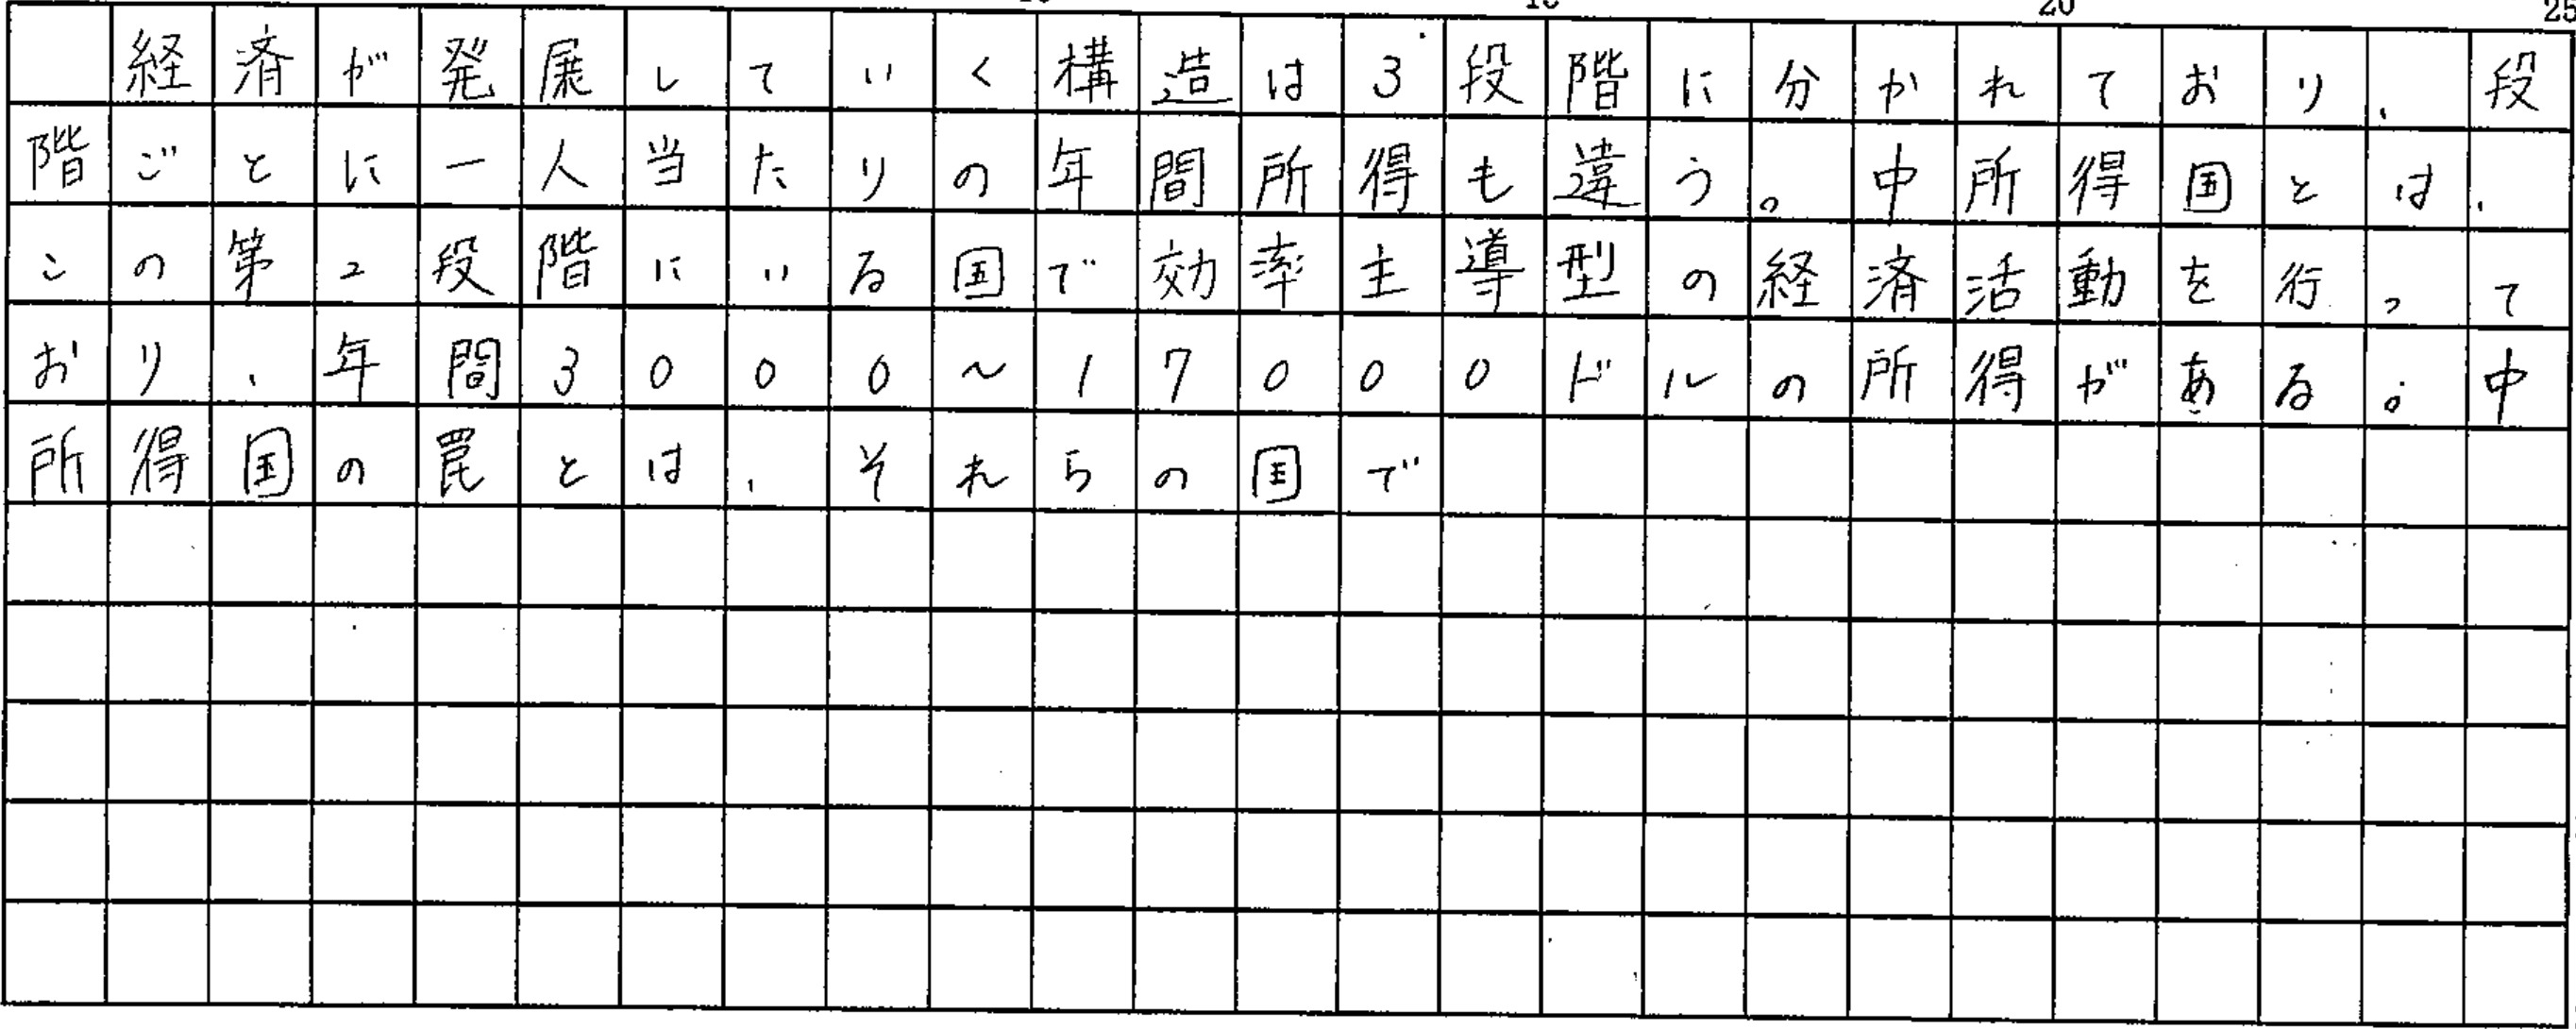　経済が発▁していく構造は３段階に分かれており、段階ごとに一人当たりの年間所得も違う。中所得国とは、この第２段階にいる国で効率主導型の経済活動を行っており、年間３０００～１７０００ドルの所得がある。中所得国の罠とは、それらの国で
